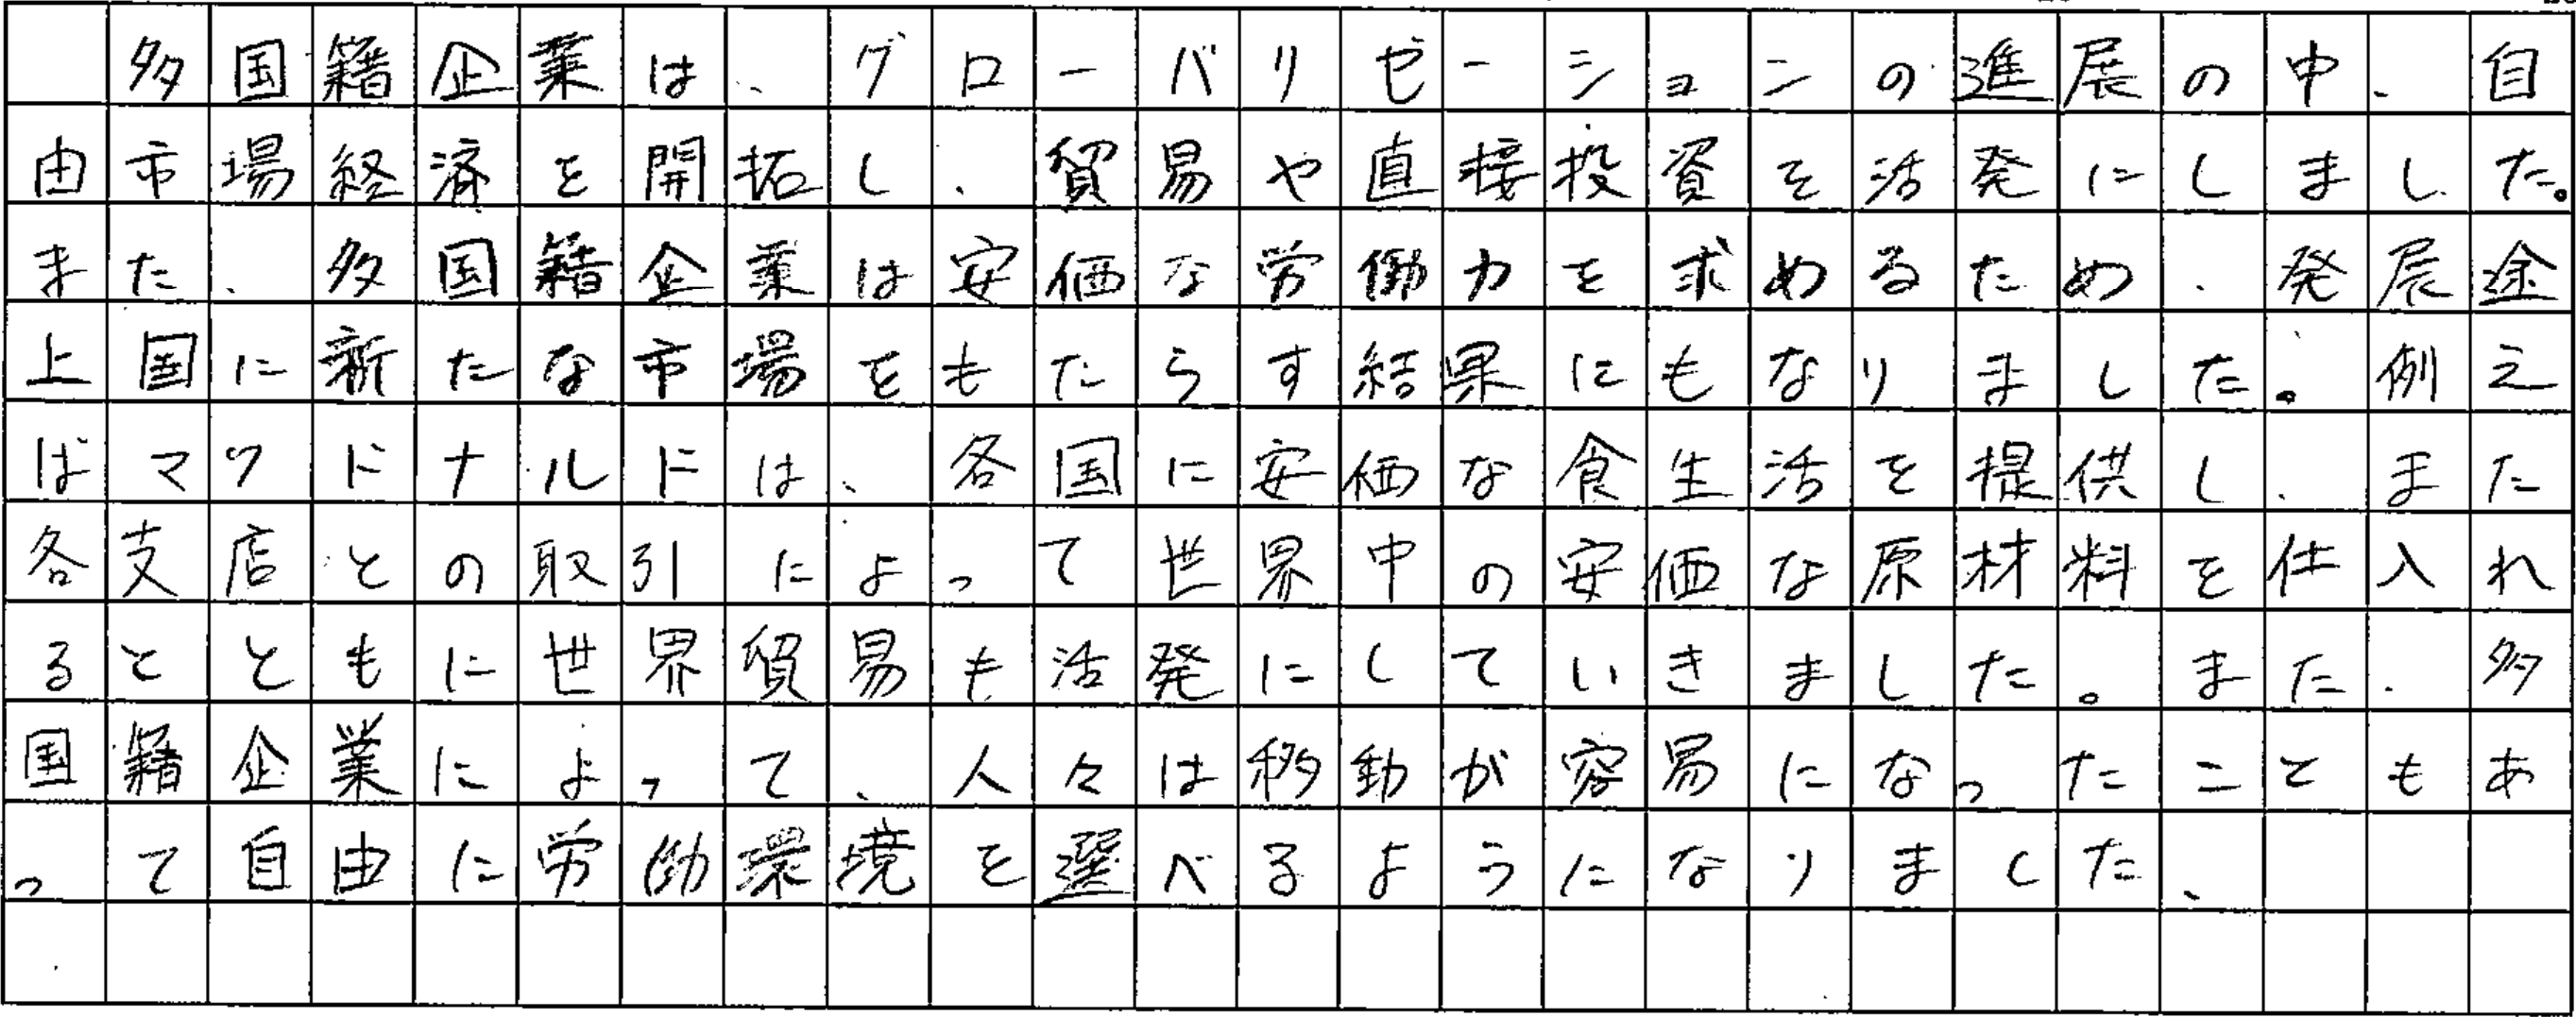　多国籍企業は、グローバリゼーションの進展の中、自由市場経済を開拓し、貿易や直接投資を活発にしました。また、多国籍企業は安価な労働力を求めるため、発展途上国に新たな市場をもたらす結果にもなりました。例えばマクドナルドは、各国に安価な食生活を提供し、また各支店との取引によって世界中の安価な原材料を仕入れるとともに世界貿易も活発にしていきました。また、多国籍企業によって、人々は移動が容易になったこともあって自由に労働環境を選べるようになりました。
